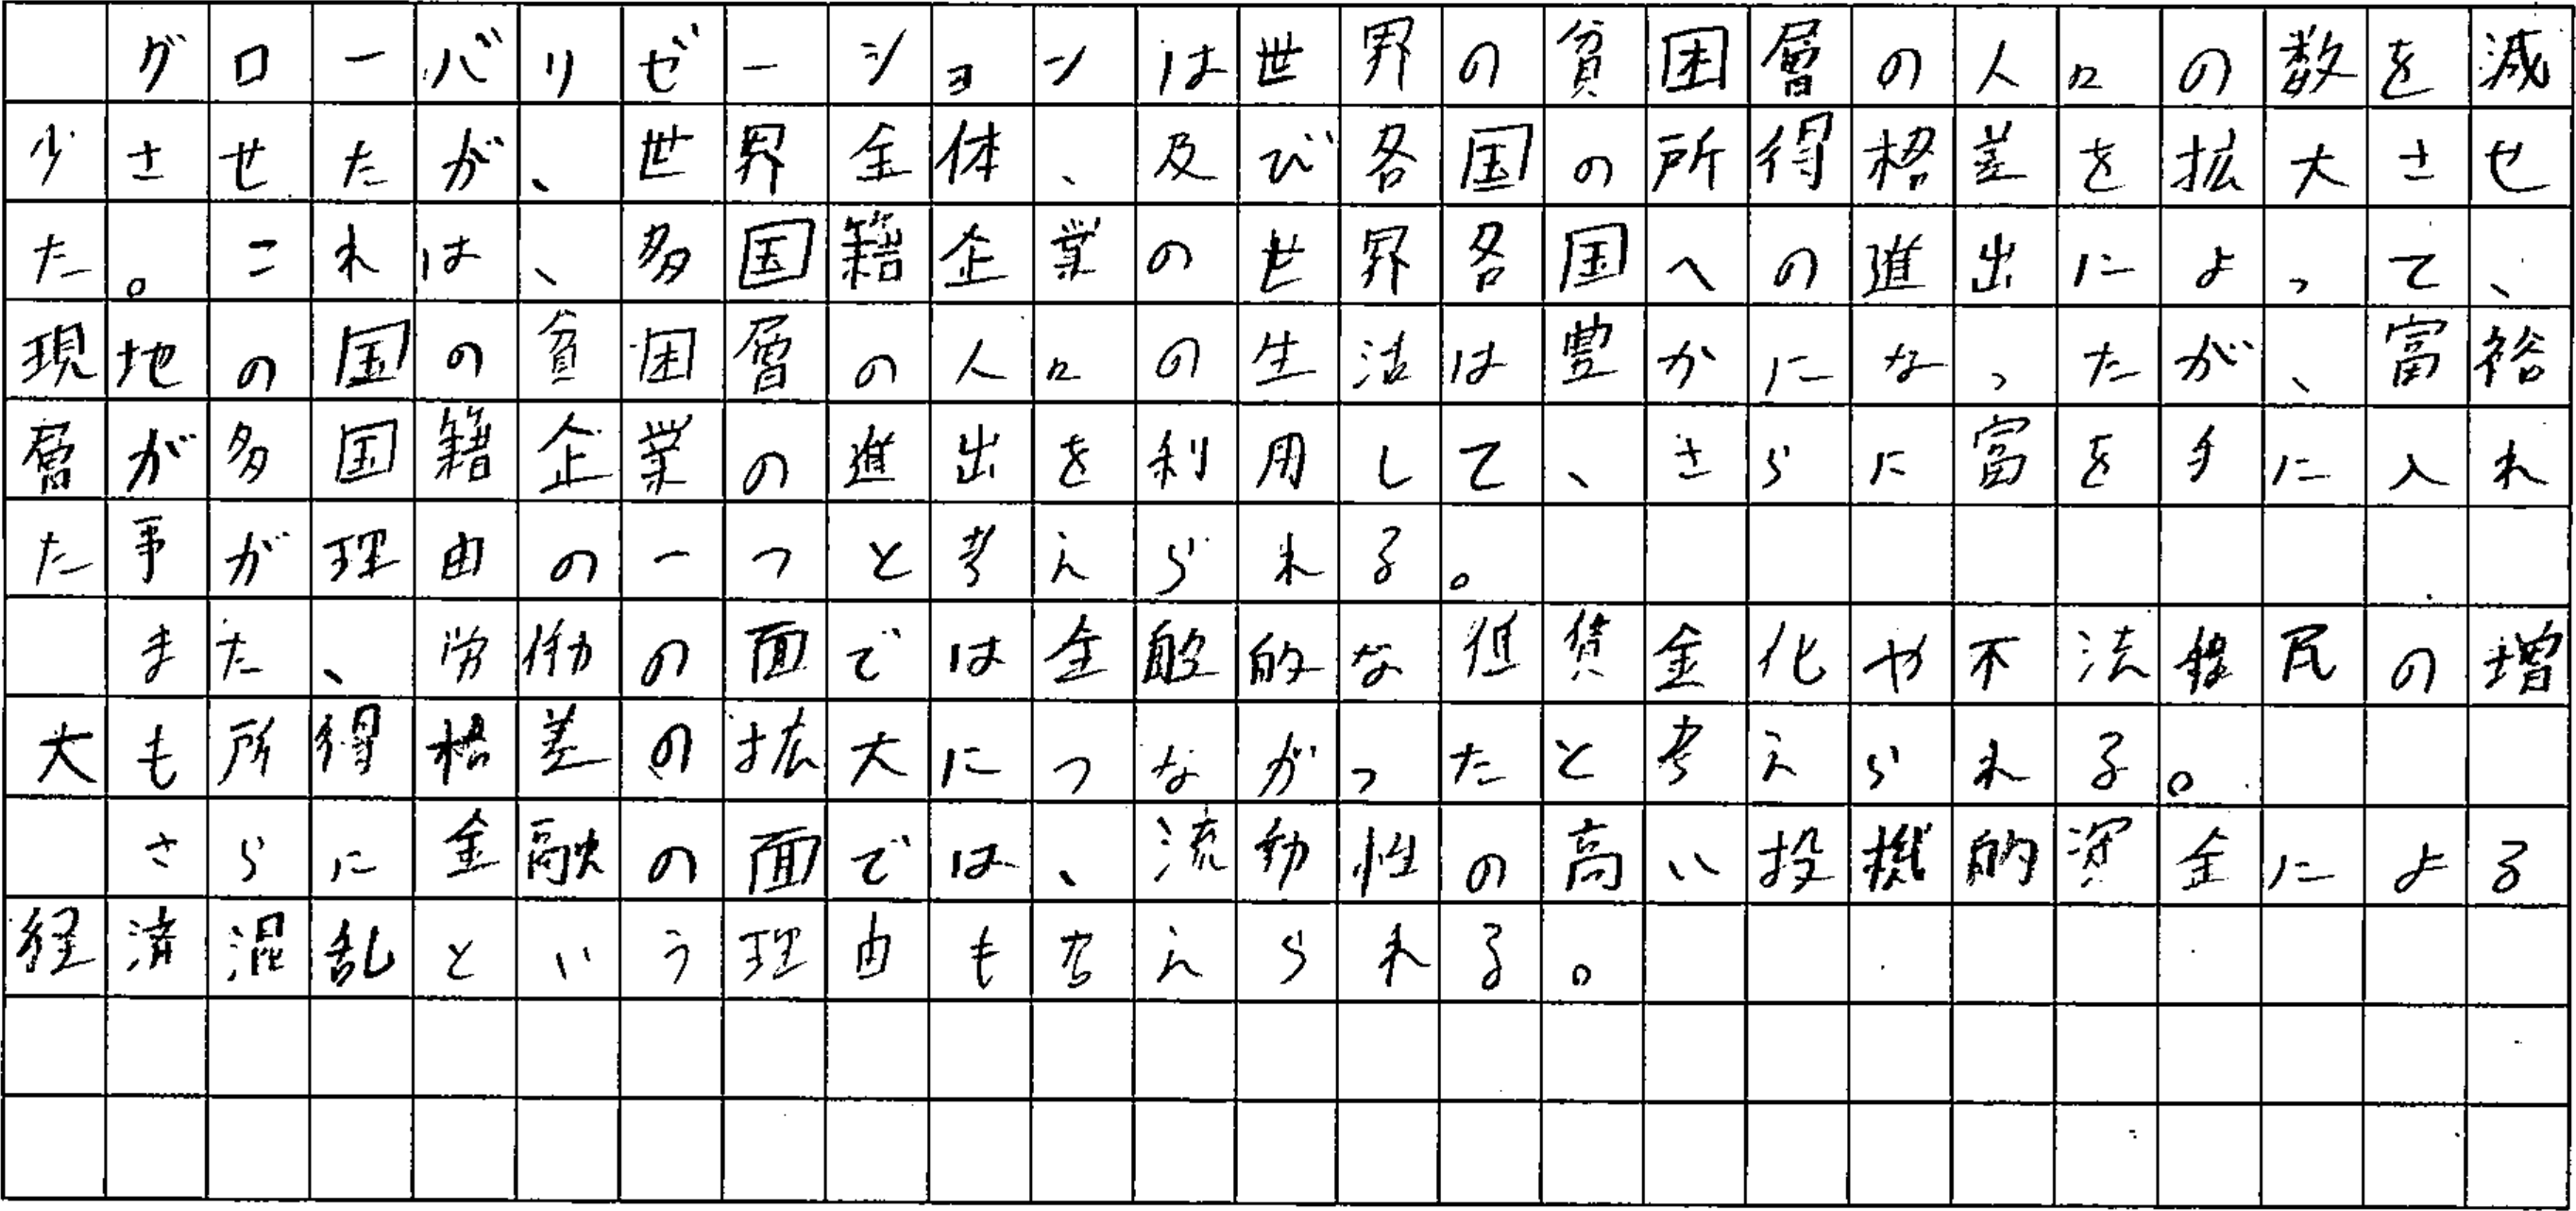　グローバリゼーションは世界の貧困層の人々の数を▁少させたが、世界全体、及び各国の所得格差を拡大させた。これは、多国籍企業の世界各国への進出によって、現地の国の貧困層の人々の生活は豊かになったが、富裕層が多国籍企業の進出を利用して、さらに富を手に入れた事が理由の一つと考えられる。
　また、労働の面では全般的な低賃金化や不法移民の増大も所得格差の拡大につながったと考えられる。
　さらに金融の面では、流動性の高い投機的資金による経済混乱という理由も考えられる。
